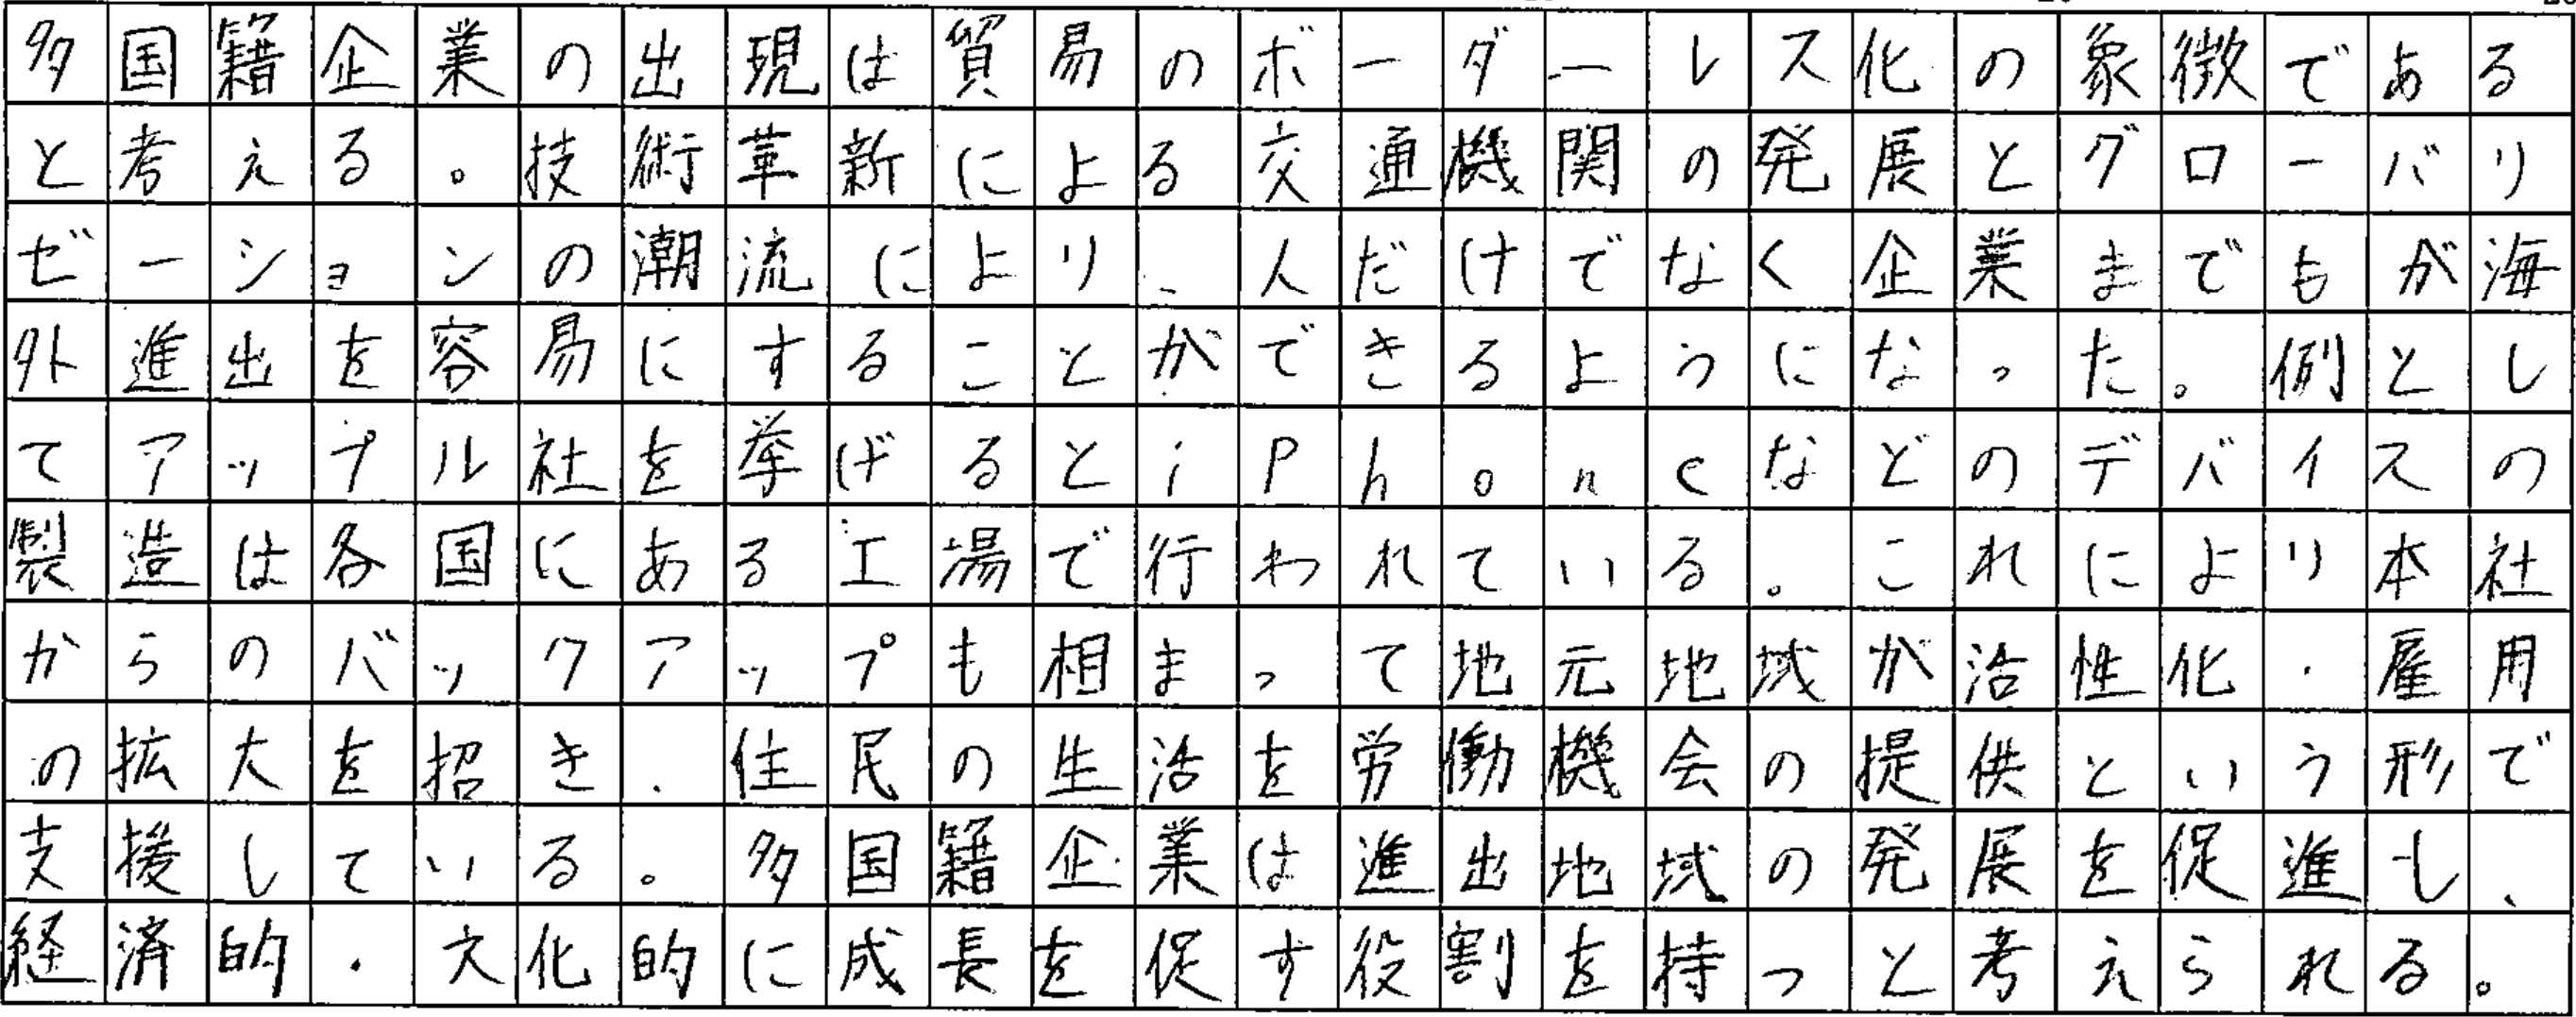多国籍企業の出現は貿易のボーダーレス化の象徴であると考える。技術革新による交通機関の発展とグローバリゼーションの潮流により、人だけでなく企業までもが海外進出を容易にすることができるようになった。例としてアップル社を挙げるとｉＰｈｏｎｅなどのデバイスの製造は各国にある工場で行われている。これにより本社からのバックアップも相まって地元地域が活性化・雇用の拡大を招き、住民の生活を労働機会の提供という形で支援している。多国籍企業は進出地域の発展を促進し、経済的・文化的に成長を促す役割を持つと考えられる。
